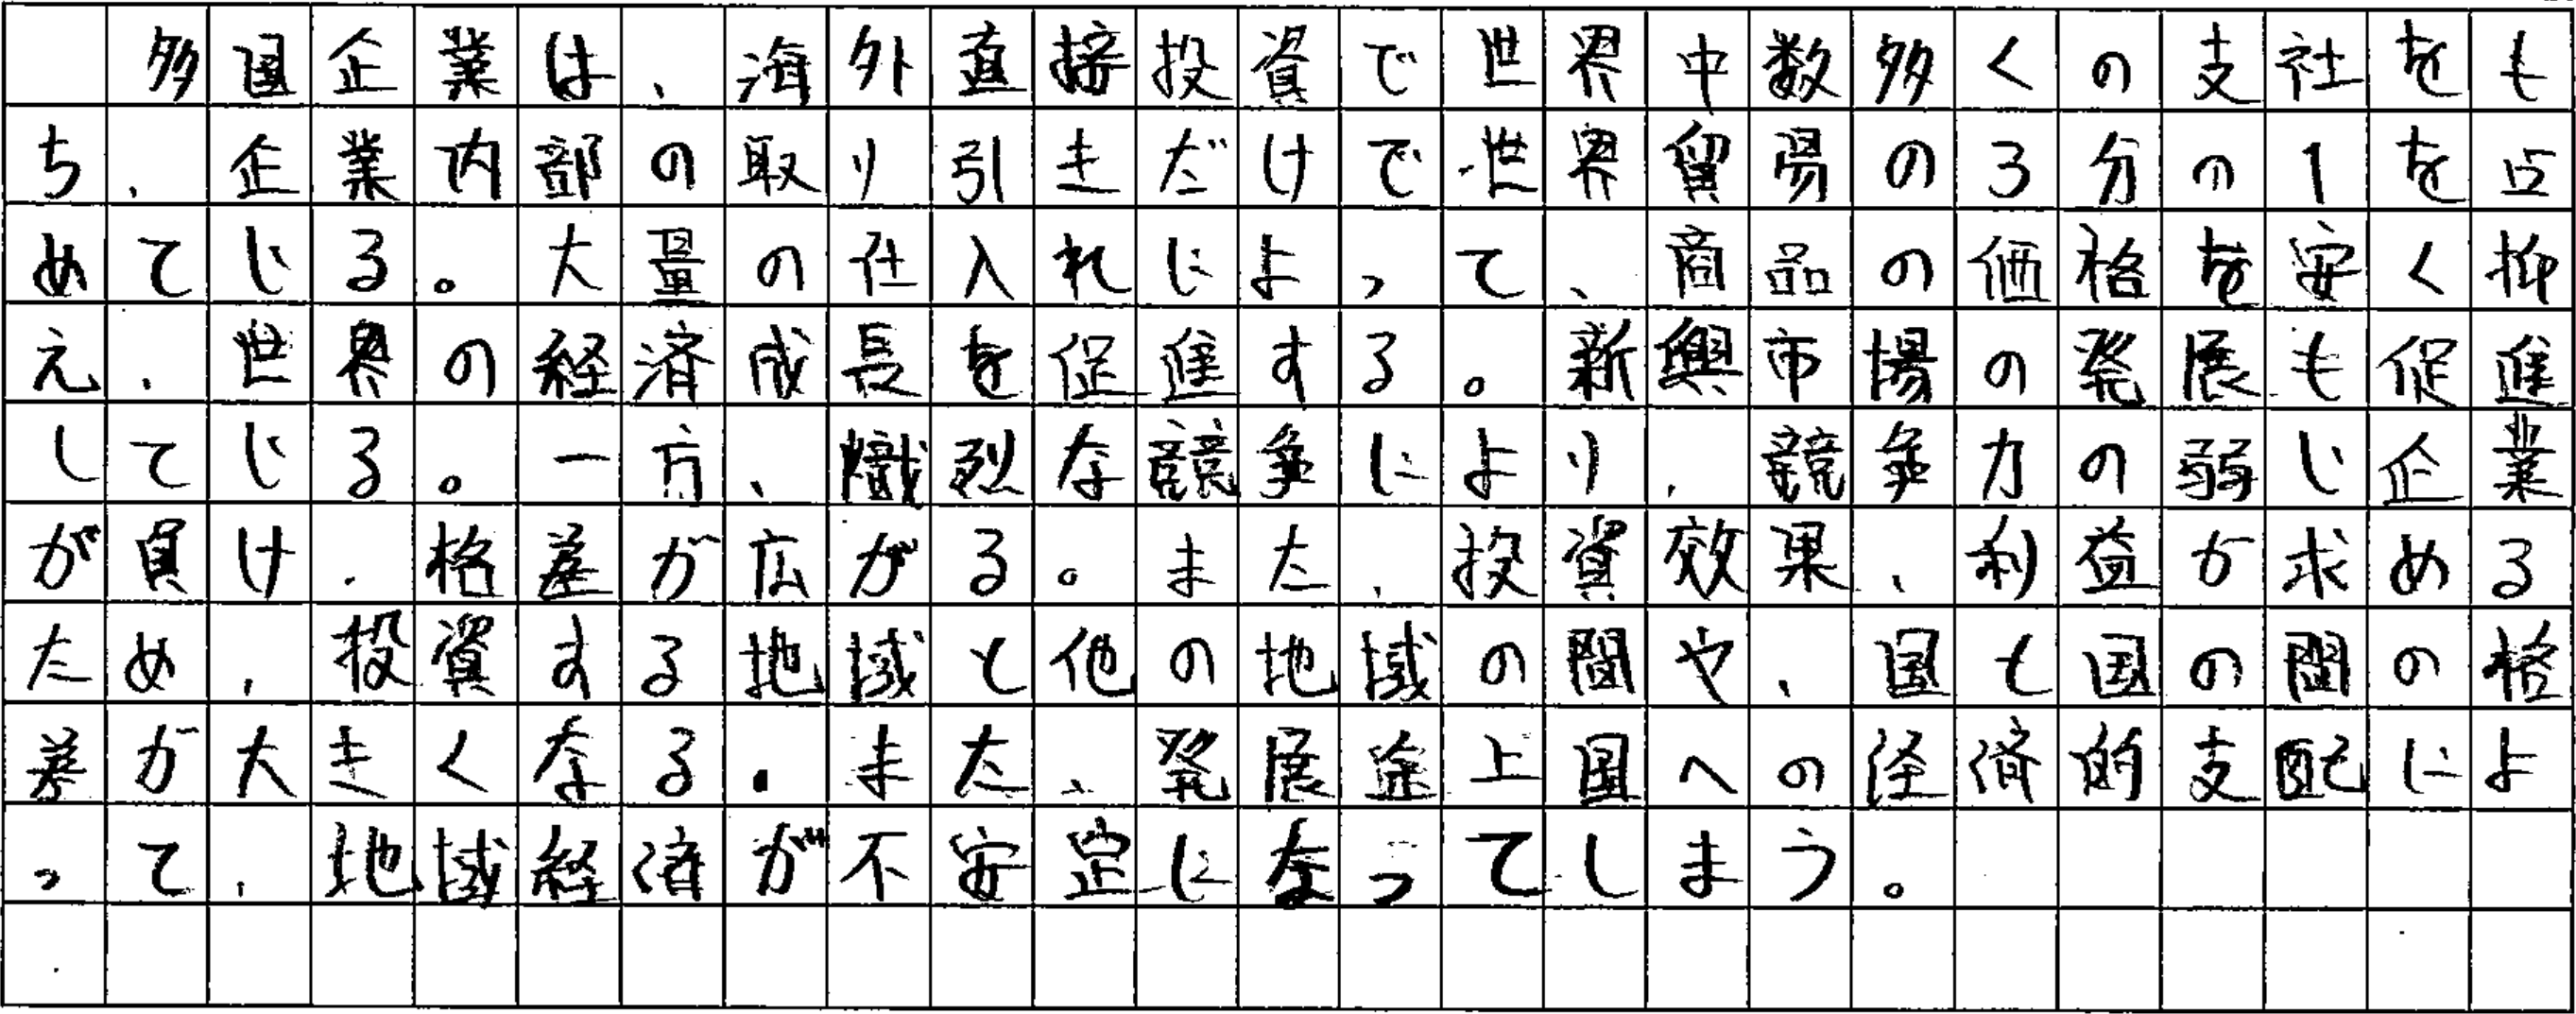　多国企業は、海外直接投資で世界中数多くの支社をもち、企業内部の取り引きだけで世界貿易の３分の１を占めている。大量の仕入れによって、商品の価値を安く抑え、世界の経済成長を促進する。新興市場の発展も促進している。一方、熾烈な競争により、競争力の弱い企業が負け、格差が広がる。また、投資▁果、利益が求めるため、投資する地域と他の地域の間や、国と国の間の格差が大きくなる。また、発展途上国への経済的支配によって、地域経済が不安定になってしまう。
